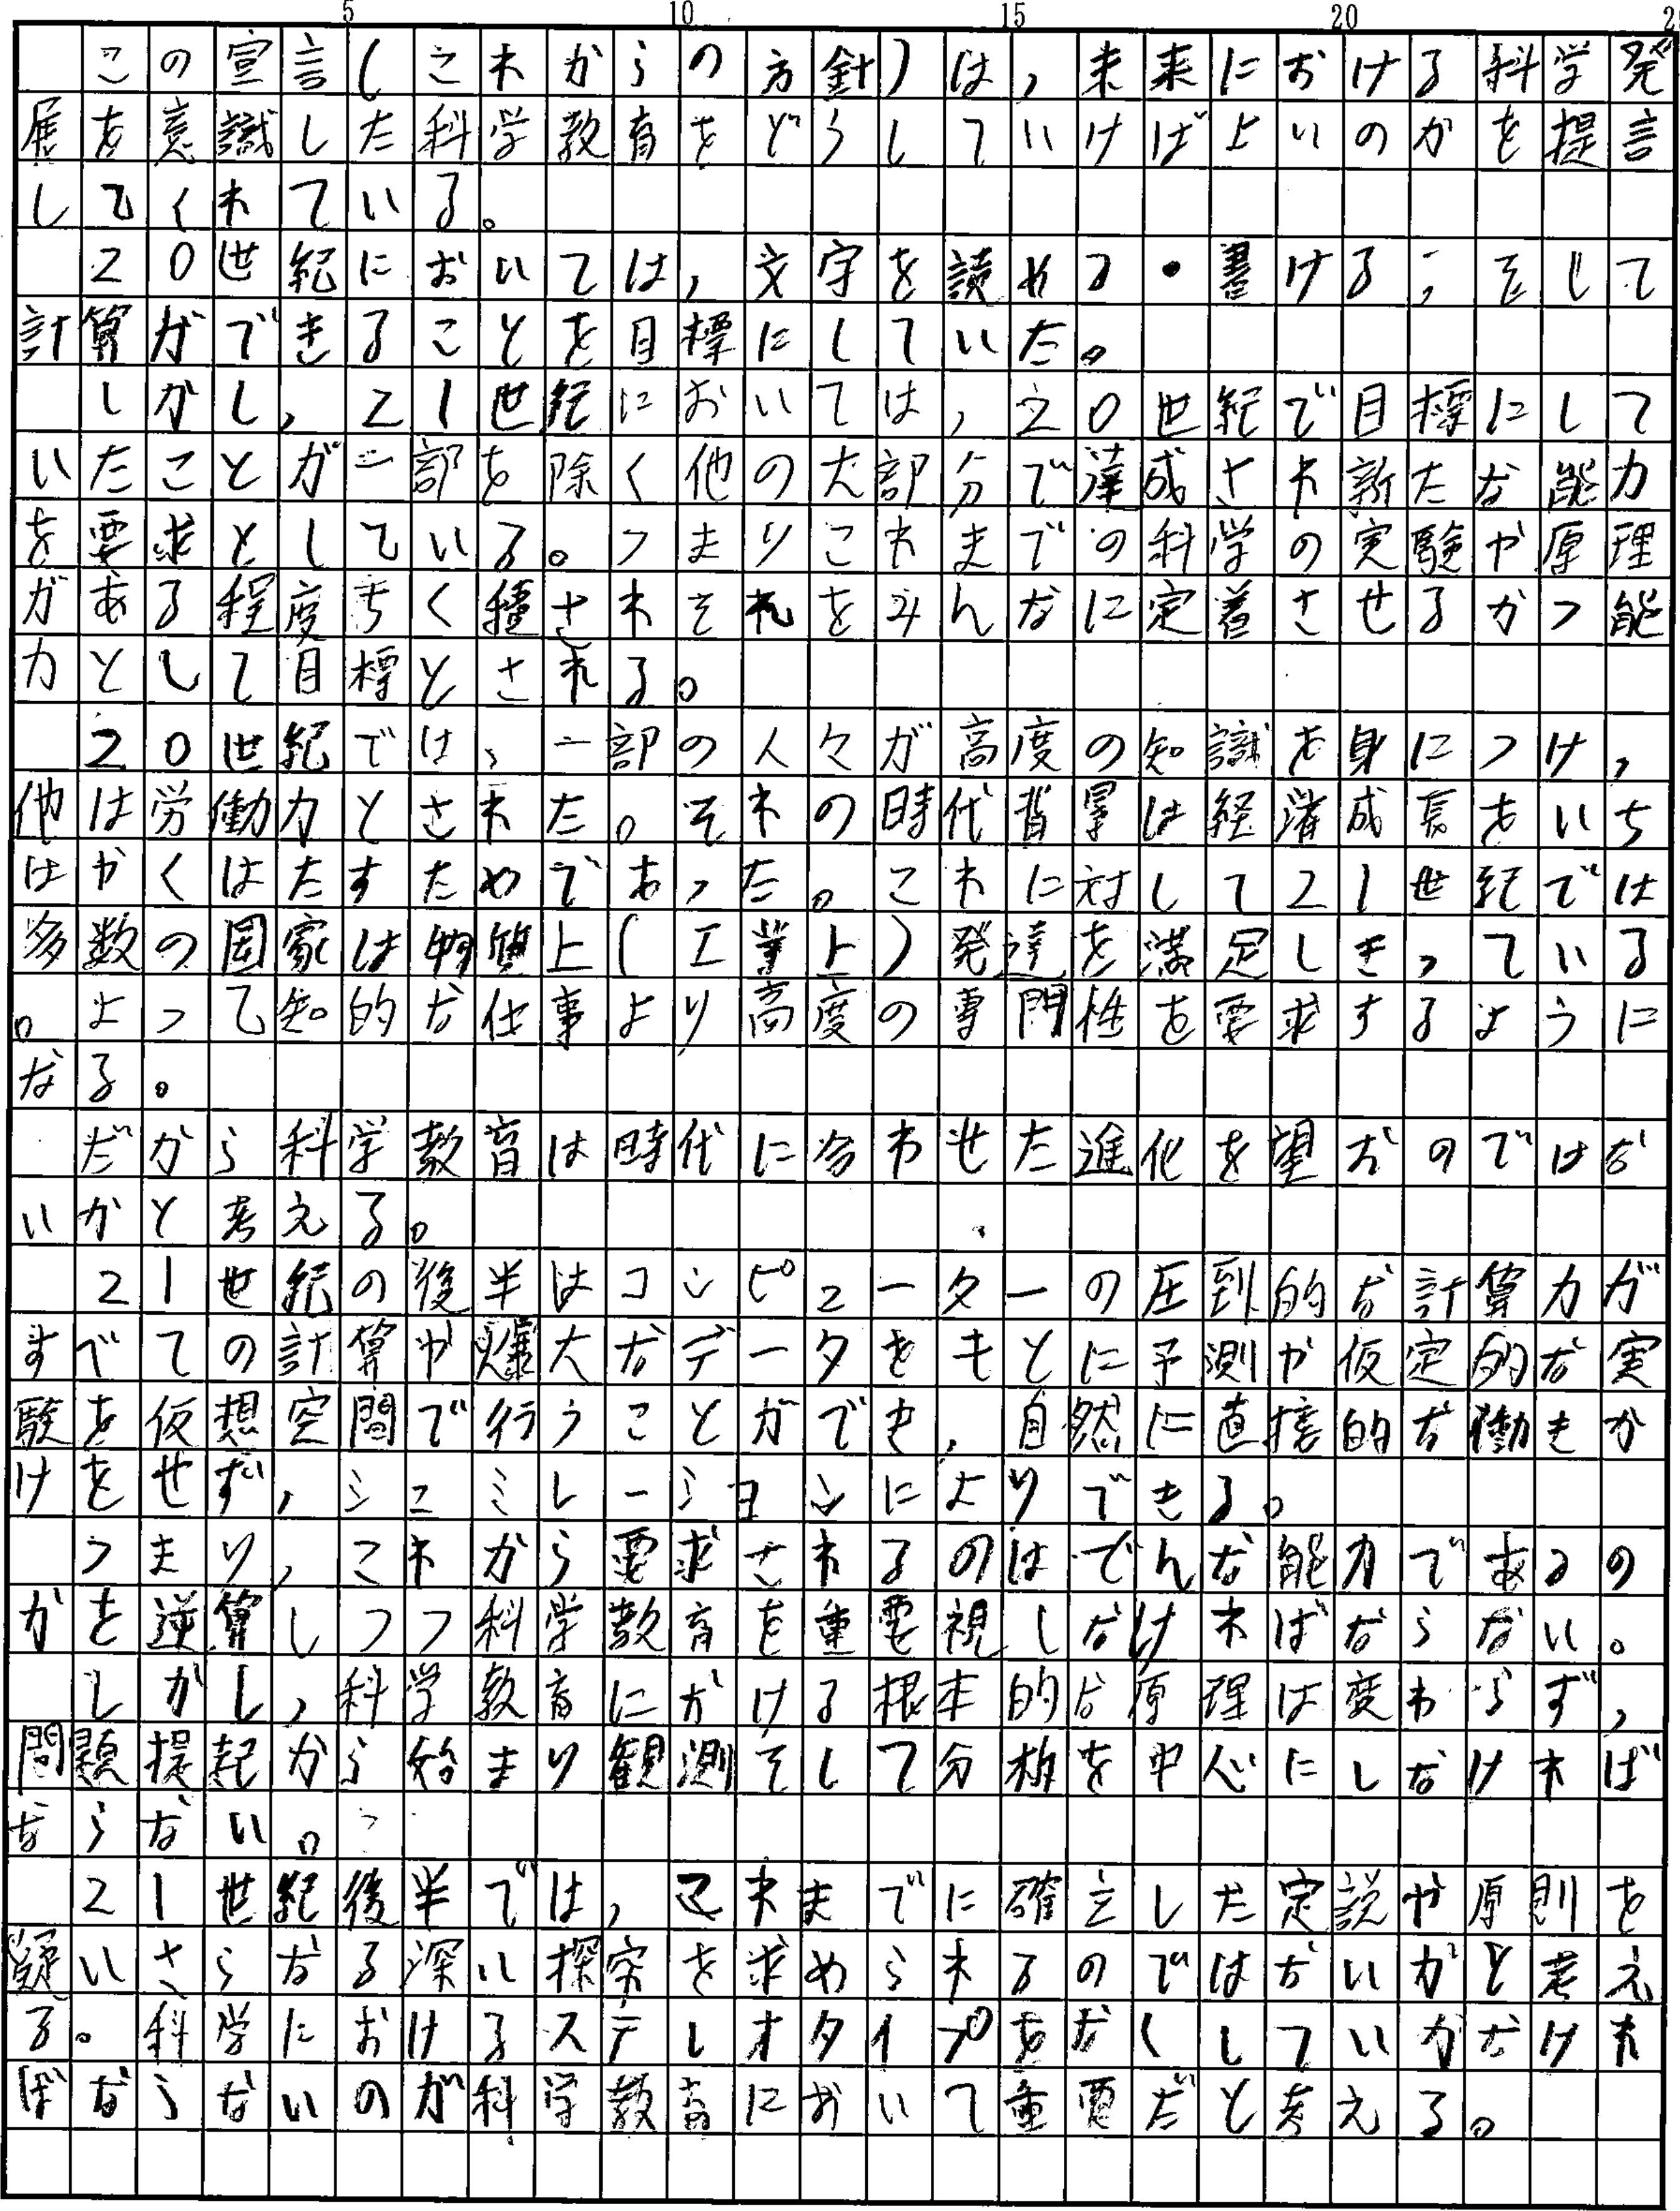　この宣言（これからの方針）は、未来における科学発展を意識した科学教育をどうしていけばよいのかを提言してくれている。
　２０世紀においては、文字を読める・書ける、そして計算ができることを目標にしていた。
　しかし、２１世紀においては、２０世紀で目標にしていたことが一部を除く他の大部分で達成され新たな能力を要求としている。つまりこれまでの科学の実験や原理がある程度ちく積されそれをみんなに定着させるかつ能力として目標とされる。
　２０世紀では、一部の人々が高度の知識を身につけ、他は労働力とされた。それの時代背景は経済成長をいちはやくはたすためであった。これに対して２１世紀では多数の国家は物質上（工業上）発達を満足しきっている。よって知的な仕事より高度の専門性を要求するようになる。
　だから科学教育は時代に合わせた進化を望むのではないかと考える。
　２１世紀の後半はコンピューターの圧到的な計算力がすべての計算や爆大なデータをもとに予測や仮定的な実験を仮想空間で行うことができ、自然に直接的な働きかけをせず、シュミレーションによりできる。
　つまり、これから要求されるのはどんな能力であるのかを逆算しつつ科学教育を重要視しなければならない。
　しかし、科学教育における根本的な原理は変わらず、問題提起から始まり観測をして分析を中心にしなければならない。
　２１世紀後半では、これまでに確立した定説や原則を疑いさらなる深い探究をもとめられるのではないかと考える。科学におけるステレオタイプをなくしていかなければならないのが科学教育において重要だと考える。
